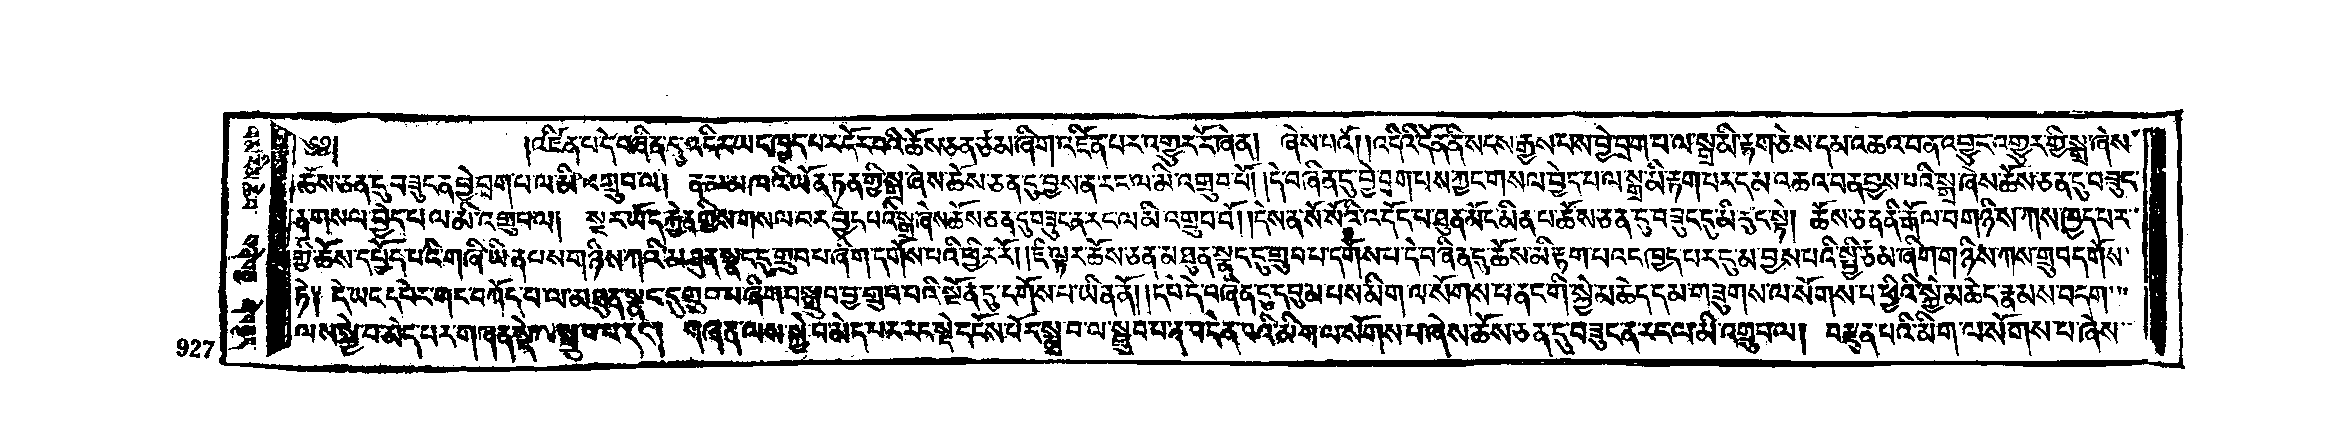༄༅། །འཛིན་པ་དེ་བཞིན་དུ་འདིར་ཡང་ཁྱད་པར་དོར་བའི་ཆོས་ཅན་ཙམ་ཞིག་འཛིན་པར་འགྱུར་རོ་ཞེ་ན། ཞེས་པའོ། །འདིའི་དོན་ནི་སངས་རྒྱས་པས་བྱེ་བྲག་པ་ལ་སྒྲ་མི་རྟག་ཅེས་དམ་འཆའ་བ་ན་འབྱུང་འགྱུར་གྱི་སྒྲ་ཞེས་
ཆོས་ཅན་དུ་བཟུང་ན་བྱེ་བྲག་པ་ལ་མི་འགྲུབ་ལ། ནམ་མཁའི་ཡོན་ཏན་གྱི་སྒྲ་ཞེས་ཆོས་ཅན་དུ་བྱས་ན་རང་ལ་མི་འགྲུབ་བོ། །དེ་བཞིན་དུ་བྱེ་བྲག་པས་ཀྱང་གསལ་བྱེད་པ་ལ་སྒྲ་མི་རྟག་པར་དམ་འཆའ་བ་ན་བྱས་པའི་སྒྲ་ཞེས་ཆོས་ཅན་དུ་བཟུང་
ན་གསལ་བྱེད་པ་ལ་མི་འགྲུབ་ལ། སྔར་ཡོད་རྐྱེན་གྱིས་གསལ་བར་བྱེད་པའི་སྒྲ་ཞེས་ཆོས་ཅན་དུ་བཟུང་ན་རང་ལ་མི་འགྲུབ་བོ། །དེས་ན་སོ་སོའི་འདོད་པ་ཐུན་མོང་མིན་པ་ཆོས་ཅན་དུ་བཟུང་དུ་མི་རུང་སྟེ། ཆོས་ཅན་ནི་རྒོལ་བ་གཉིས་ཀས་ཁྱད་པར་
གྱི་ཆོས་དཔྱོད་པའི་གཞི་ཡིན་པས་གཉིས་ཀའི་མཐུན་སྣང་དུ་གྲུབ་པ་ཞིག་དགོས་པའི་ཕྱིར་རོ། །ཇི་ལྟར་ཆོས་ཅན་མཐུན་སྣང་དུ་གྲུབ་པ་དགོས་པ་དེ་བཞིན་དུ་ཆོས་མི་རྟག་པའང་ཁྱད་པར་དུ་མ་བྱས་པའི་སྤྱི་ཙམ་ཞིག་གཉིས་ཀས་གྲུབ་དགོས་
ཏེ༑ དེ་ཡང་དཔེར་གང་བཀོད་པ་ལ་མཐུན་སྣང་དུ་གྲུབ་པ་ཞིག་བསྒྲུབ་བྱ་གྲུབ་པའི་སྔོན་དུ་དགོས་པ་ཡིན་ནོ། །དཔེ་དེ་བཞིན་དུ་དབུ་མ་པས་མིག་ལ་སོགས་པ་ནང་གི་སྐྱེ་མཆེད་དམ་གཟུགས་ལ་སོགས་པ་ཕྱིའི་སྐྱེ་མཆེད་རྣམས་བདག་
ལས་སྐྱེ་བ་མེད་པར་གཞན་སྡེ་ལ་སྒྲུབ་པ་དང་། གཞན་ལས་སྐྱེ་བ་མེད་པར་རང་སྡེ་དངོས་པོར་སྨྲ་བ་ལ་སྒྲུབ་པ་ན་བདེན་པའི་མིག་ལ་སོགས་པ་ཞེས་ཆོས་ཅན་དུ་བཟུང་ན་རང་ལ་མི་འགྲུབ་ལ། བརྫུན་པའི་མིག་ལ་སོགས་པ་ཞེས་